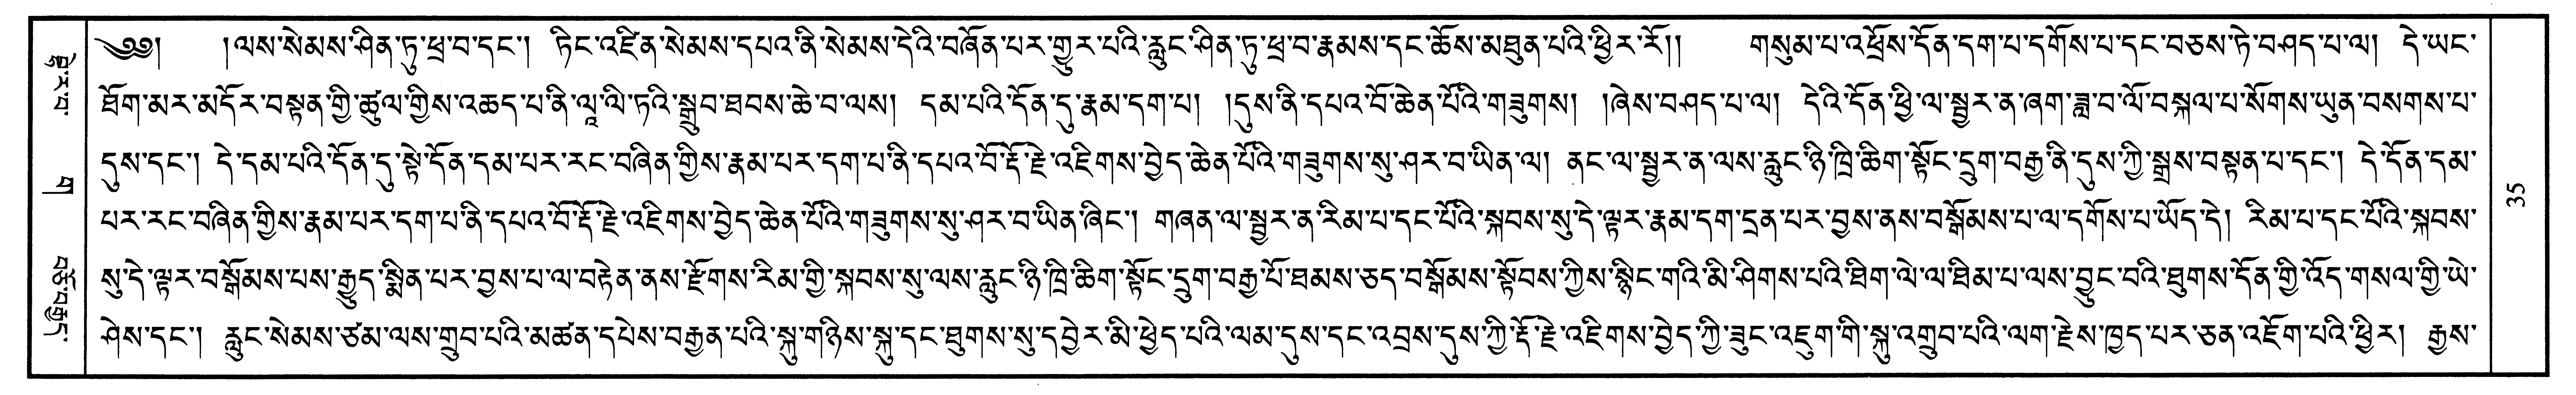༄༅། །ལས་སེམས་ཤིན་ཏུ་ཕྲ་བ་དང་། ཏིང་འཛིན་སེམས་དཔའ་ནི་སེམས་དེའི་བཞོན་པར་གྱུར་པའི་རླུང་ཤིན་ཏུ་ཕྲ་བ་རྣམས་དང་ཆོས་མཐུན་པའི་ཕྱིར་རོ།། གསུམ་པ་འཕྲོས་དོན་དག་པ་དགོས་པ་དང་བཅས་ཏེ་བཤད་པ་ལ། དེ་ཡང་
ཐོག་མར་མདོར་བསྟན་གྱི་ཚུལ་གྱིས་འཆད་པ་ནི་ལཱ་ལི་ཏའི་སྒྲུབ་ཐབས་ཆེ་བ་ལས། དམ་པའི་དོན་དུ་རྣམ་དག་པ། །དུས་ནི་དཔའ་བོ་ཆེན་པོའི་གཟུགས། །ཞེས་བཤད་པ་ལ། དེའི་དོན་ཕྱི་ལ་སྦྱར་ན་ཞག་ཟླ་བ་ལོ་བསྐལ་པ་སོགས་ཡུན་བསགས་པ་
དུས་དང་། དེ་དམ་པའི་དོན་དུ་སྟེ་དོན་དམ་པར་རང་བཞིན་གྱིས་རྣམ་པར་དག་པ་ནི་དཔའ་བོ་རྡོ་རྗེ་འཇིགས་བྱེད་ཆེན་པོའི་གཟུགས་སུ་ཤར་བ་ཡིན་ལ། ནང་ལ་སྦྱར་ན་ལས་རླུང་ཉི་ཁྲི་ཆིག་སྟོང་དྲུག་བརྒྱ་ནི་དུས་ཀྱི་སྒྲས་བསྟན་པ་དང་། དེ་དོན་དམ་
པར་རང་བཞིན་གྱིས་རྣམ་པར་དག་པ་ནི་དཔའ་བོ་རྡོ་རྗེ་འཇིགས་བྱེད་ཆེན་པོའི་གཟུགས་སུ་ཤར་བ་ཡིན་ཞིང་། གཞན་ལ་སྦྱར་ན་རིམ་པ་དང་པོའི་སྐབས་སུ་དེ་ལྟར་རྣམ་དག་དྲན་པར་བྱས་ནས་བསྒོམས་པ་ལ་དགོས་པ་ཡོད་དེ། རིམ་པ་དང་པོའི་སྐབས་
སུ་དེ་ལྟར་བསྒོམས་པས་རྒྱུད་སྨིན་པར་བྱས་པ་ལ་བརྟེན་ནས་རྫོགས་རིམ་གྱི་སྐབས་སུ་ལས་རླུང་ཉི་ཁྲི་ཆིག་སྟོང་དྲུག་བརྒྱ་པོ་ཐམས་ཅད་བསྒོམས་སྟོབས་ཀྱིས་སྙིང་གའི་མི་ཤིགས་པའི་ཐིག་ལེ་ལ་ཐིམ་པ་ལས་བྱུང་བའི་ཐུགས་དོན་གྱི་འོད་གསལ་གྱི་ཡེ་
ཤེས་དང་། རླུང་སེམས་ཙམ་ལས་གྲུབ་པའི་མཚན་དཔེས་བརྒྱན་པའི་སྐུ་གཉིས་སྐུ་དང་ཐུགས་སུ་དབྱེར་མི་ཕྱེད་པའི་ལམ་དུས་དང་འབྲས་དུས་ཀྱི་རྡོ་རྗེ་འཇིགས་བྱེད་ཀྱི་ཟུང་འཇུག་གི་སྐུ་འགྲུབ་པའི་ལག་རྗེས་ཁྱད་པར་ཅན་འཇོག་པའི་ཕྱིར། རྒྱས་